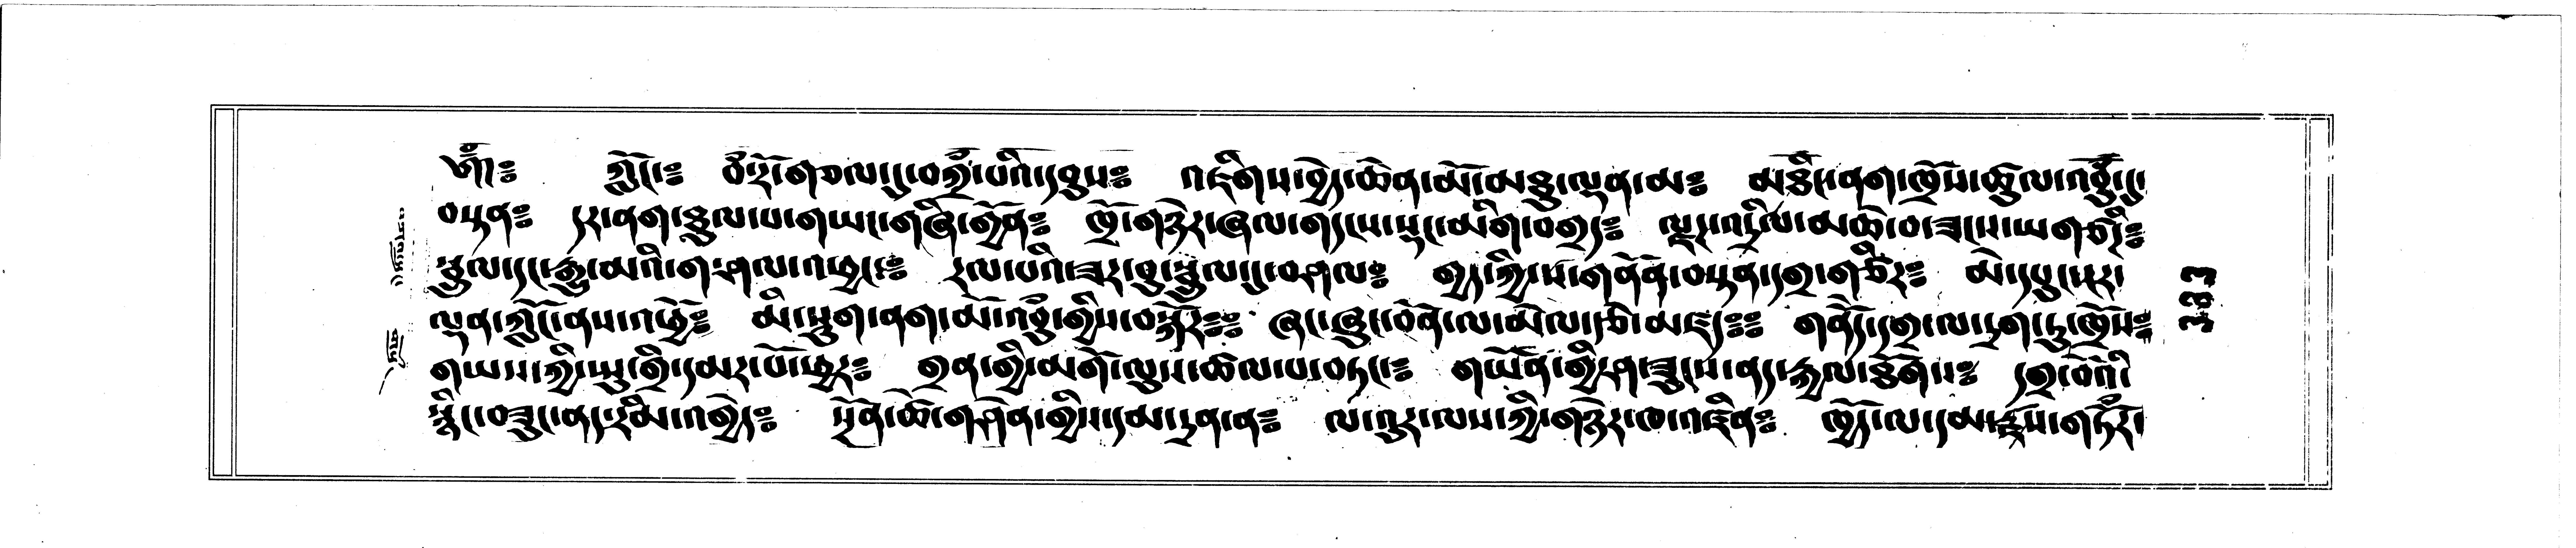ཀློང་༔ བམ་རོ་གཅལ་རུ་བཀྲམ་པའི་དབུས༔ འཇིགས་བྱེད་ཆེན་མོ་མཐུ་ལྡན་མ༔ མཐིང་ནག་ཁྲོས་ཚུལ་འབུམ་དུ་
བསྟན༔ དར་ནག་ཐུལ་པ་གཡང་གཞི་གྱོན༔ ཁྲོ་གཉེར་ཞལ་གདངས་སྡང་མིག་བགྲད༔ ལྗགས་འདྲིལ་མཆེ་བ་ཟངས་ཡག་གཙིགས༔
 སྦྲུལ་དང་རྒྱུ་མའི་ག་ཤལ་འཕྱང་༔ རལ་པའི་ཟར་བུ་སྦྲུལ་དུ་བཤལ༔ གྱད་ཀྱི་ས་གནོན་བསྟན་དགྲ་གཙིར༔ མེ་དཔུང་སར་
ལྷན་ཀློང་ནས་འཕྱོ༔ མི་སྡུག་ནག་མོ་འབུམ་གྱིས་བསྐོར༔༔ ཞང་ཞུང་བོན་ལ་མེལ་རྩེ་མཛད༔༔ གནོད་བྱེད་དགྲ་ལ་དྲག་ཏུ་ཁྲོས༔
 གཡས་ཀྱི་སྤུ་གྲི་དམར་པོ་ཕྱར༔ གྲན་གྱི་མགོ་ལུས་ཚལ་པ་བཏང་༔ གཡོན་གྱི་ཤ་ཟུངས་ནད་རྐྱལ་ཐོགས༔ དགྲ་བོའི་
སྙིང་བཟུང་ནད་རིམ་འགྱེད༔ སྔོན་ཚེ་གཤེན་གྱིས་དམ་དྲན་ན༔ ལ་འུར་ལས་ཀྱི་གཉེར་ཁ་འཛིན༔ ཁྱོད་ལ་དམ་རྫས་གཏོར་མ་